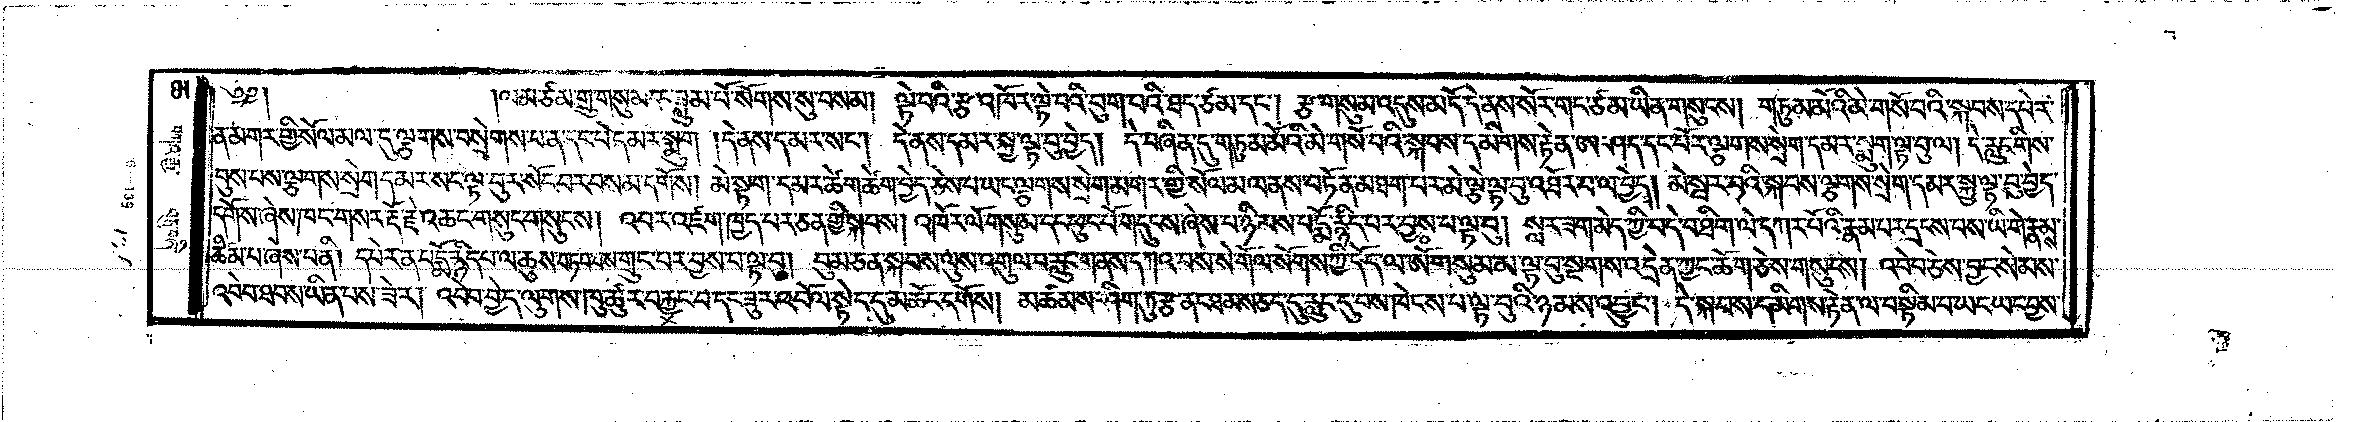༄༅། །ལམ་ཙམ་གྲུ་གསུམ་དང་ཟླུམ་པོ་སོགས་སུ་བསམ། ལྟེ་བའི་རྩ་འཁོར་ལྟེ་བའི་བུག་པའི་ཐད་ཙམ་དང་། རྩ་གསུམ་འདུས་མདོ་དེ་ནས་སོར་གང་ཙམ་ཡིན་གསུངས། གཏུམ་མོའི་མེ་གསོ་བའི་སྐབས་དཔེར་
ན་མགར་གྱི་སོལ་མལ་དུ་ལྕགས་བསྲེགས་པ་ན་དང་པོ་དམར་སྨུག །དེ་ནས་དམར་སང་། དེ་ནས་དམར་སྐྱ་ལྟ་བུ་བྱེད། དེ་བཞིན་དུ་གཏུམ་མོའི་མེ་གསོ་པའི་སྐབས་དམིགས་རྟེན་ལ་ཨ་ཤད་དང་པོར་ལྕགས་སྲེག་དམར་སྨུག་ལྟ་བུ་ལ། དེ་རླུང་གིས་
བུས་པས་ལྕགས་སྲེག་དམར་སང་ལྟ་བུར་སོང་བར་བསམ་དགོས། མེ་སྟག་དམར་ཚེག་ཚེག་བྱེད་ཅེས་པ་ཡང་ལྕགས་སྲེག་མགར་གྱི་སོལ་མལ་ནས་བཏོན་མ་ཐག་པར་མེ་ལྕེ་ལྟ་བུ་འཐོར་པ་ལ་བྱེད། མེ་སྦར་བའི་སྐབས་ལྕགས་སྲེག་དམར་སྐྱ་ལྟ་བུ་བྱེད་
དགོས་ཞེས་ཁང་གསར་རྡོ་རྗེ་འཆང་གསུང་གསུངས། འབར་འཛག་ཁྱད་པར་ཅན་གྱི་སྐབས། འཁོར་ལོ་གསུམ་དང་ཕུང་པོ་གདུངས་ཞེས་པ་ཉི་མས་པདམོ་རྙིད་པར་བྱས་པ་ལྟ་བུ། སླར་ཟག་མེད་ཀྱི་བདེ་བ་ཐིག་ལེ་དཀར་པོའི་རྣམ་པར་དྲངས་པས་ཡི་གེ་རྣམས་
ཚིམ་པ་ཞེས་པ་ནི། དཔེར་ན་པདམོ་རྙིད་པ་ལ་ཆུས་བཏབ་པས་གྲུང་བར་བྱས་པ་ལྟ་བུ། བུམ་ཅན་སྐབས་ལུས་འགུལ་བརླུང་གནས་དཀའ་བས་སེ་གོལ་སོགས་ཀྱི་དོད་ལ་ཨོཾ་གསུམ་མ་ལྟ་བུ་སྔགས་འདྲེན་ཀྱང་ཆོག་ཅེས་གསུངས། འབེབ་ཅེས་བྱང་སེམས་
འབེབ་ཐབས་ཡིན་པས་ཟེར། འབེབ་བྱེད་ལུགས་ཁུ་ཚུར་བརྐྱང་བ་དང་ཟུར་འབོལ་སྟེང་དུ་མཆོད་དགོས། མཚམས་ཤིག་ཏུ་རྩ་ནང་ཐམས་ཅད་དུ་རླུང་དུ་བས་ཁེངས་པ་ལྟ་བུའི་ཉམས་འབྱུང་། དེ་སྐབས་དམིགས་རྟེན་ལ་བསྟིམ་པ་ཡང་ཡང་བྱས་